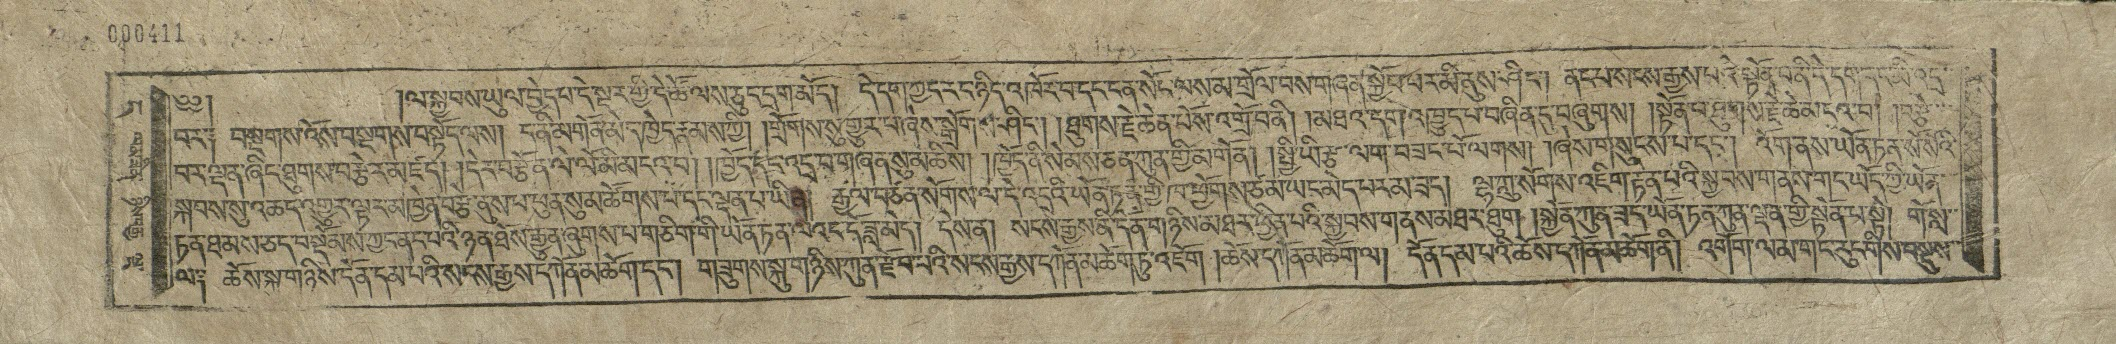༄༅། །ལ་སྐྱབས་ཡུལ་བྱེད་པ་དེ་སྔར་གྱི་དེ་ཚོ་ལས་ཅུང་དྲག་མོད། དེ་དག་ཀྱང་རང་ཉིད་འཁོར་བ་དང་ངན་སོང་ལས་མ་གྲོལ་བས་གཞན་སྐྱོབ་པར་མི་ནུས་ཤིང་། ནང་པ་སངས་རྒྱས་པའི་སྟོན་པ་ནི་དེ་དག་དང་མི་འདྲ་
བར༑ བསྔགས་འོས་བསྔགས་བསྟོད་ལས། ང་ནི་མགོན་མེད་ཁྱེད་རྣམས་ཀྱི། །གྲོགས་སུ་གྱུར་པ་ཞེས་སྒྲོགས་ཤིང་། །ཐུགས་རྗེ་ཆེན་པོས་འགྲོ་བ་ནི། །མཐའ་དག་འཁྱུད་པ་བཞིན་དུ་བཞུགས། །སྟོན་པ་ཐུགས་རྗེ་ཆེ་མངའ་བ། །བརྩེ་
བར་ལྡན་ཞིང་ཐུགས་བརྩེར་མཛད། །དེར་བརྩོན་ལེ་ལོ་མི་མངའ་བ། །ཁྱོད་དང་འདྲ་བ་གཞན་སུ་མཆིས། །ཁྱོད་ནི་སེམས་ཅན་ཀུན་གྱི་མགོན། །སྤྱི་ཡི་རྩ་ལག་བཟང་པོ་ལགས། །ཞེས་གསུངས་པ་དང་། འོག་ནས་ཡོན་ཏན་སོ་སོའི་
སྐབས་སུ་འཆད་འགྱུར་ལྟར་མཁྱེན་བརྩེ་ནུས་པ་ཕུན་སུམ་ཚོགས་པ་དང་ལྡན་པ་ཡིན། རྒྱལ་བཙན་སོགས་ལ་དེ་འདྲའི་ཡོན་ཏན་གྱི་ཁ་ཕྱོགས་ཙམ་ཡང་མེད་པར་མ་ཟད། ལྷ་ཀླུ་སོགས་འཇིག་རྟེན་པའི་སྐྱབས་གནས་གང་ཡོད་ཀྱི་ཡོན་
ཏན་ཐམས་ཅད་བསྡོམས་ཀྱང་ནང་པའི་ཉན་ཐོས་རྒྱུན་ཞུགས་པ་གཅིག་གི་ཡོན་ཏན་ལའང་དོ་ཟླ་མེད། དེས་ན། སངས་རྒྱས་ནི་དོན་གཉིས་མཐར་ཕྱིན་པའི་སྐྱབས་གནས་མཐར་ཐུག །སྐྱོན་ཀུན་ཟད་ཡོན་ཏན་ཀུན་ལྡན་གྱི་སྟོན་པ་སྟེ། གོ་སླ་
ལ༑ ཆོས་སྐུ་གཉིས་དོན་དམ་པའི་སངས་རྒྱས་དཀོན་མཆོག་དང་། གཟུགས་སྐུ་གཉིས་ཀུན་རྫོབ་པའི་སངས་རྒྱས་དཀོན་མཆོག་ཏུ་འཇོག །ཆོས་དཀོན་མཆོག་ལ། དོན་དམ་པའི་ཆོས་དཀོན་མཆོག་ནི། འགོག་ལམ་གང་རུང་གིས་བསྡུས་